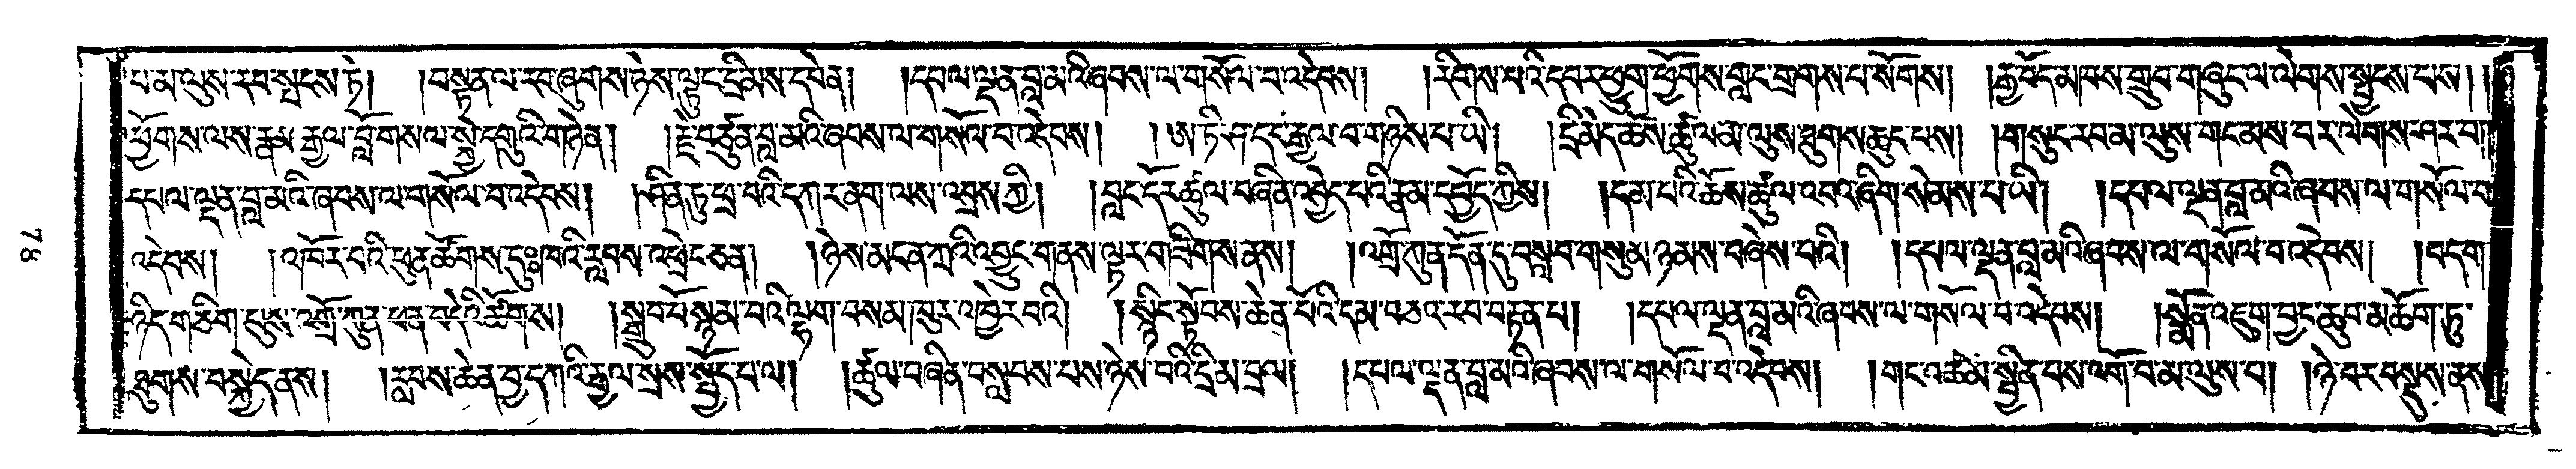པ་མ་ལུས་རབ་སྤངས་ཏེ། །བསྟན་ལ་རབ་ཞུགས་ཉེས་ལྟུང་དྲི་མས་དཔེན། །དཔལ་ལྡན་བླ་མའི་ཞབས་ལ་གསོལ་བ་འདེབས། །རིགས་པའི་དབར་ཕྱུག་ཕྱོགས་གླང་གྲགས་པ་སོགས། །རྒྱ་བོད་མཁས་གྲུབ་གཞུང་ལ་ལེགས་སྦྱངས་པས། །
ཕྱོགས་ལས་རྣམ་རྒྱལ་བློ་གསལ་སྐྱེ་དགུའི་གཉེན། །རྗེ་བཙུན་བླ་མའི་ཞབས་ལ་གསོལ་བ་འདེབས། །ཨ་ཏི་ཤ་དང་རྒྱལ་བ་གཉིས་པ་ཡི། །དྲི་མེད་ཆོས་ཚུལ་མ་ལུས་ཐུགས་ཆུང་པས། །གསུང་རབ་མ་ལུས་གང་མས་བར་ལེགས་ཤར་བ་
དཔལ་ལྡན་བླ་མའི་ཞབས་ལ་གསོལ་བ་འདེབས། །ཤིན་ཏུ་ཕྲ་བའི་དཀར་ནག་ལས་འབྲས་ཀྱི། །བླང་དོར་ཚུལ་བཞིན་འབྱེད་པའི་རྣམ་དཔྱོད་ཀྱིས། །དམ་པའི་ཆོས་ཚུལ་འབའ་ཞིག་སེམས་པ་ཡི། །དཔལ་ལྡན་བླ་མའི་ཞབས་ལ་གསོལ་བ་
འདེབས། །འཁོར་བའི་ཕུན་ཚོགས་དུཿ ཁའི་རླབས་འཕྲེང་ཅན། །ཉེས་མངན་ཀྲའི་འབྱུང་གནས་ལྟར་གཟིགས་ནས། །འགྲོ་ཀུན་དོན་དུ་བསླབ་གསུམ་ཉམས་བཞེས་པའི། །དཔལ་ལྡན་བླ་མའི་ཞབས་ལ་གསོལ་བ་འདེབས། །བདག་
ཉིད་གཅིག་པུས་འགྲོ་ཀུན་ཕན་བདེའི་ཚོགས། །སྒྲུབ་བོ་སྙམ་བའི་ལྷག་བསམ་ཁུར་འཁྱེར་བའི། །སྙིང་སྟོབས་ཆེན་པོའི་དམ་བཅའ་རབ་བརྟན་པ། །དཔལ་ལྡན་བླ་མའི་ཞབས་ལ་གསོལ་བ་འདེབས། །སྨོན་འཇུག་བྱང་ཆུབ་མཆོག་ཏུ་
ཐུགས་བསྐྱེད་ནས། །རླབས་ཆེན་བྱ་དཀའི་རྒྱལ་སྲས་སྤྱོད་པ་ལ། །ཚུལ་བཞིན་བསླབས་པས་ཉེས་བའི་དྲི་མ་བྲལ། །དཔལ་ལྡན་བླ་མའི་ཞབས་ལ་གསོལ་བ་འདེབས། །གང་འཚམ་སྦྱིན་བས་འོག་བ་མ་ལུས་པ། །ཉེ་བར་བསྡུས་ནས་